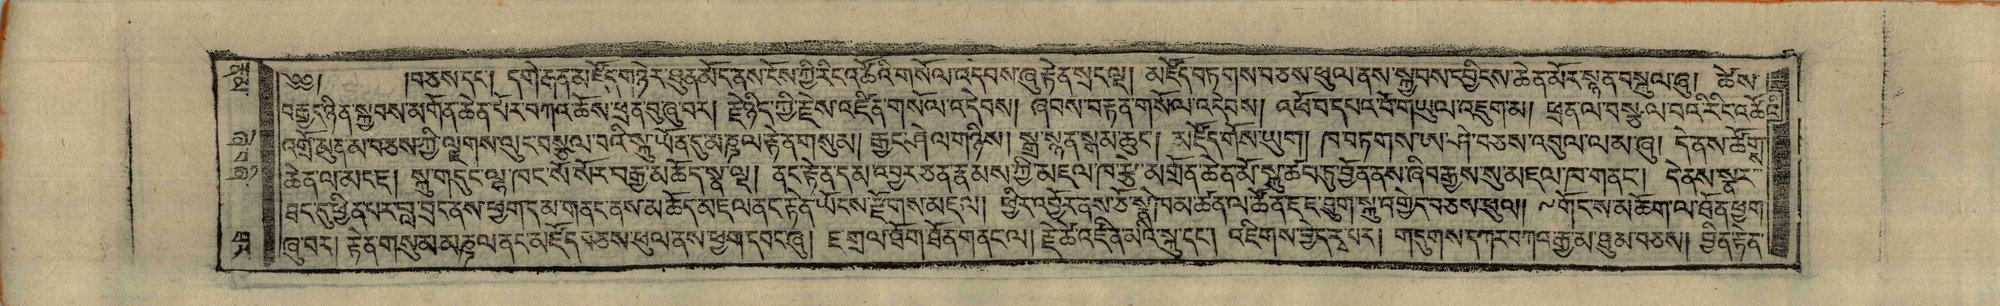༄༅། །བཅས་དང་། དགེ་རྒན་མཛོད་གཉེར་ཐུན་མོང་ནས་ངོས་ཀྱི་རིང་འཚོའི་གསོལ་འདེབས་ཞུ་རྟེན་སྲང་ལྔ། མཛོད་བཏགས་བཅས་ཕུལ་ནས་སྐྱབས་དབྱིངས་ཆེན་མོར་སྙན་བསྐུལ་ཞུ། ཚེས་
བརྒྱད་ཉིན་སྐྱབས་མགོན་ཆེན་པོར་བཀའ་ཆོས་ཕྲན་བུ་ཞུ་བར། རྗེ་ཉིད་ཀྱི་རྗེས་འཛིན་གསོལ་འདེབས། ཞབས་བརྟན་གསོལ་འདེབས། འཕོ་བ་དཔའ་བོ་གཡུལ་འཇུག་མ། ཕྲན་ལ་བསྩལ་བའི་རིང་འཚོའི་
འགྲོ་མུན་མ་བཅས་ཀྱི་ལྗགས་ལུང་བསྩལ་བའི་སྐུ་ཡོན་དུ་མཎྜལ་རྟེན་གསུམ། རྒྱང་ཤེས་གཉིས། སྒྲ་སྙན་སྒམ་ཆུང་། མཛོད་གོས་ཡུག །ཁ་བཏགས་ཨ་ཤེ་བཅས་འབུལ་ལམ་ཞུ། དེ་ནས་ཚོགས་
ཆེན་ལ་མང་ཇ། སྐུ་གདུང་ལྷ་ཁང་སོ་སོར་བརྒྱ་མཆོད་སྣ་ལྔ། ནང་རྟེན་དམ་འབྱར་ཅན་རྣམས་ཀྱི་མཇལ་ཁ་རྩེ་མགྲོན་ཆེན་མོ་སྐུ་ཚབ་ཏུ་བྱོན་ནས་ཞིབ་རྒྱས་སུ་མཇལ་ཁ་གནང་། དེ་ནས་སྣང་
ཐད་དུ་ཕྱིན་པར་བླ་བྲང་ནས་ཕྱག་དམ་གནང་ནས་མཆོད་མཇལ་ནང་རྟེན་ཡོངས་རྫོགས་མཇལ། ཕྱིར་འབྱོར་ནས་ཅོ་སྣེ་ཁམ་ཚན་ལ་ཚོན་ཇ་ཇ་ཐུག་སྐུ་འགྱེད་བཅས་ཕུལ། ༧གོང་ས་མཆོག་ལ་ཐོན་ཕྱག་
ཞུ་བར། རྟེན་གསུམ་མཎྜལ་ནང་མཛོད་བཅས་ཕུལ་ནས་ཕྱག་དབང་ཞུ། ཇ་གྲལ་ཐོག་ཐོན་གནང་ལ། རྗེ་ཚེ་འཛིན་མའི་སྐུ་དང་། འཇིགས་བྱེད་རྭ་པར། གདུགས་དཀར་བཀའ་རྒྱ་མ་ཐུམ་བཅས། བྱིན་རྟེན་